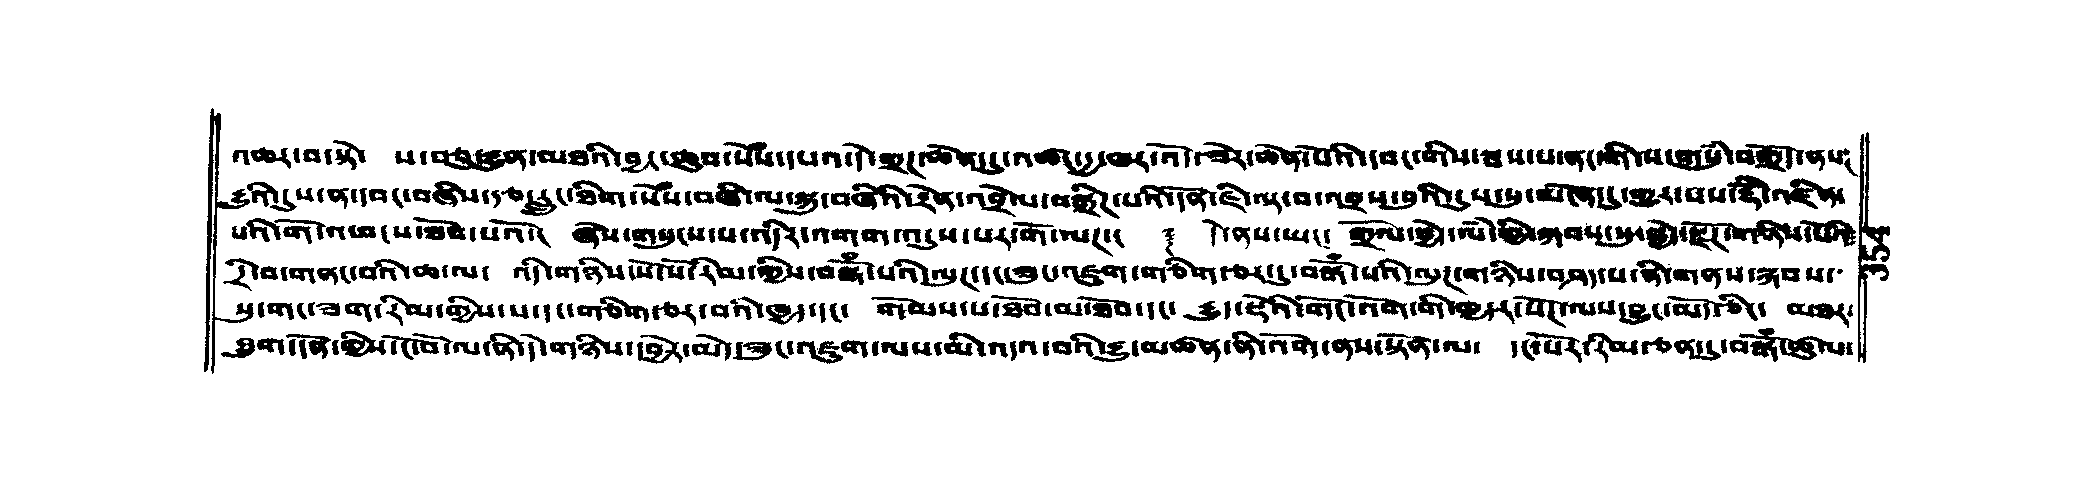འཆར་བ་སྟེ། ས་བཅུ་རྒྱུན་མཐའི་བྱང་ཆུབ་སེམས་དཔའ་དེ་གྲགས་ཆེན་དུ་འཚང་རྒྱ་ཁར་འོད་ཟེར་ཆེན་པོའི་དབང་གིས་སྦས་པ་ནང་གི་ས་གསུམ་བགྲོད་ནས་
རྒྱུའི་དུས་ན་དབང་བཞིས་རྩ་རླུང་ཐིག་སེམས་བཞི་ལ་སྐུ་བཞིའི་རྟེན་འབྲེལ་བསྒྲིགས་པའི་དོན་ཇི་ལྟ་བ་འབྲས་བུའི་དུས་སུ་མངོན་དུ་གྱུར་པས་རྡོ་རྗེ་འཛིན་
པའི་གོ་འཕང་ཐོབ་པའོ། ཞེས་གསུངས་པ་འདིར་འགག་འདུས་པར་གོ་ལགས། ༈ དེ་ནས་ཡང་། གྲོལ་བྱེད་ལམ་གྱི་སྐབས་སུ་བསྐྱེད་རྫོགས་གཉིས་པོའི་
དྲི་བ་གནང་བའི་ཆ་ལ། འདི་གཉིས་སོ་སོ་རིམ་གྱིས་བསྒོམ་པའི་ལུགས་དང་ཟུང་འཇུག་གཅིག་ཅར་དུ་བསྒོམ་པའི་ལུགས་གཉིས་བཤད་པ་ནི་གནས་སྐབས་
སུ་གང་ཟག་རིམ་གྱིས་ས་དང་གཅིག་ཆར་བའི་ཁྱད་དང་། གོམས་པ་ཐོབ་མ་ཐོབ་དང་། རྒྱུད་སྡེའི་གོང་འོག་གི་ཁྱད་པར་སོགས་ལས་བྱུང་མོད་ཅིང་།མཐར་
ཐུག་དོན་གྱིས་ངོ་བོ་ལ་ནི་དེ་གཉིས་དབྱེར་མེད་ཟུང་འཇུག་ལས་མི་འདའ་བའི་རྒྱུ་མཚན་ནི་འོག་ནས་སྟོན་ལ། དང་པོར་རིམ་ཅན་དུ་བསྒོམ་ཚུལ་